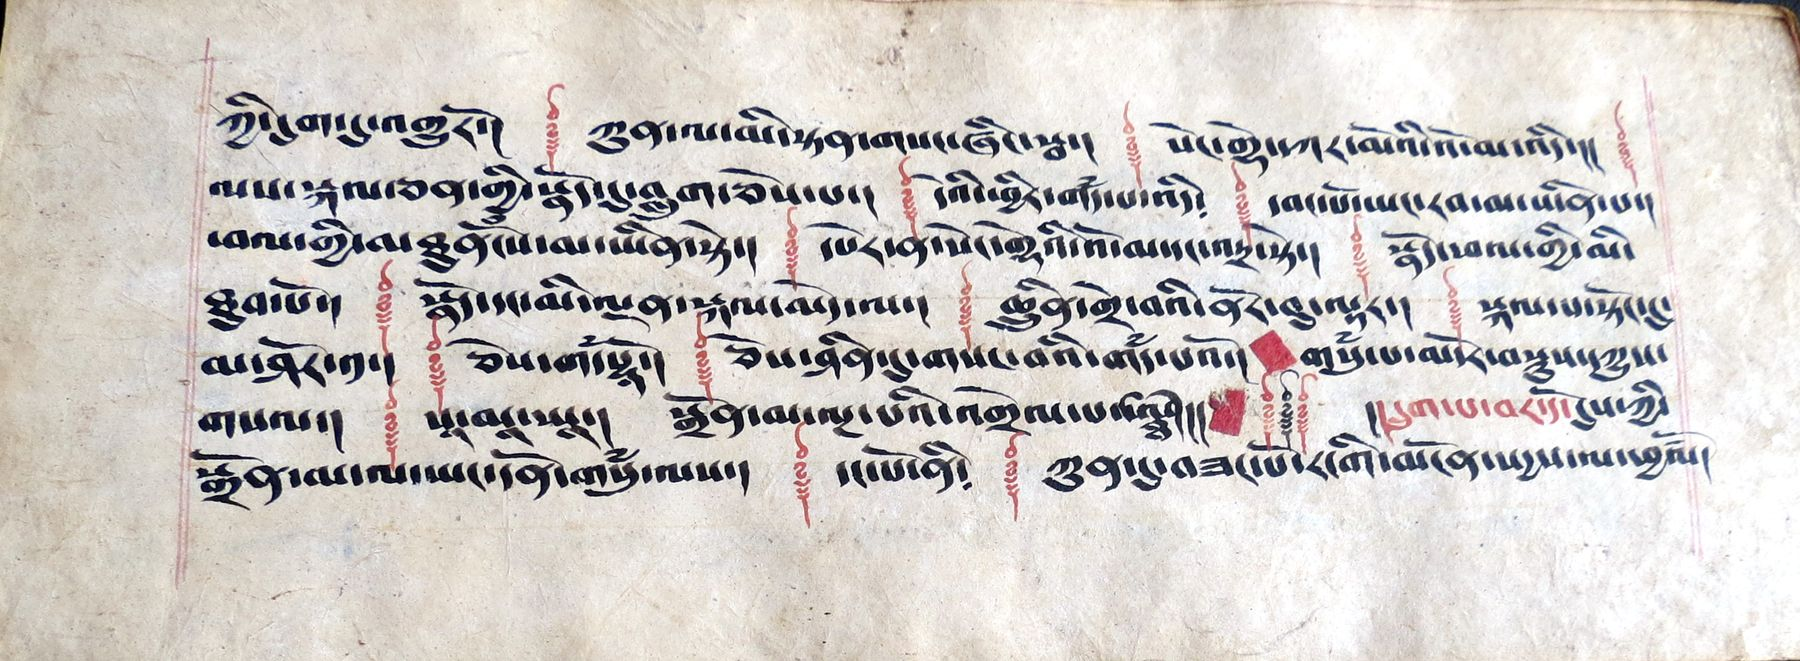ཀྱི་དུག་ཏུ་འགྱུར་རོ། །ཀུན་ལ་མི་བསྟན་གསང་ཞིང་སྦ། སེང་གེ་དཀར་མོའི་འོ་མ་འདི། 
ལས་སྐལ་ཅན་གྱི་སྣོད་དུ་བླུག་ཅེས་པས། དེའི་ཕྱིར་གདམས་པ་འདི། དབང་པོ་ཡང་རབ་མ་ཡིན་པ། 
ཕལ་གྱི་ཐུན་མོང་མ་ཡིན་ཏེ། དཔེར་ན་སེང་གེའི་འོ་མ་དང་འདྲ་སྟེ། སྣོད་ཕལ་གྱིས་མི་
ཐུབ་བོ། །སྣོད་དང་མི་ལྡན་སྐལ་མེད་ལ། ཆུ་སྲིན་གྲེ་བའི་ནོར་བུ་ལྟར། བསྐལ་པ་སྟོང་དུ་
མ་ཤོར་ཅིག །ཅེས་གདམས་སོ། །ཞེས་ཤིན་ཏུ་གསང་བའི་གདམས་པའོ། །གསུམ་པ་མདོ་བསྡུ་དཀྱུས་
གསལ། ས་མ་ཡ། །སྒྲོན་མ་ལྔ་པའི་འགྲེལ་བ། ཨྠི།དྲུག་པ། བར་དོ་དུས་ཀྱི་
སྒྲོན་མ་ལ་ཡང་དོན་གསུམ་ལས། དང་པོ་ནི། ཀུན་ཏུ་བཟང་པོ་རང་རིག་མངོན་སངས་རྒྱས་ལ་ཕྱག་འཚལ་ལོ། །